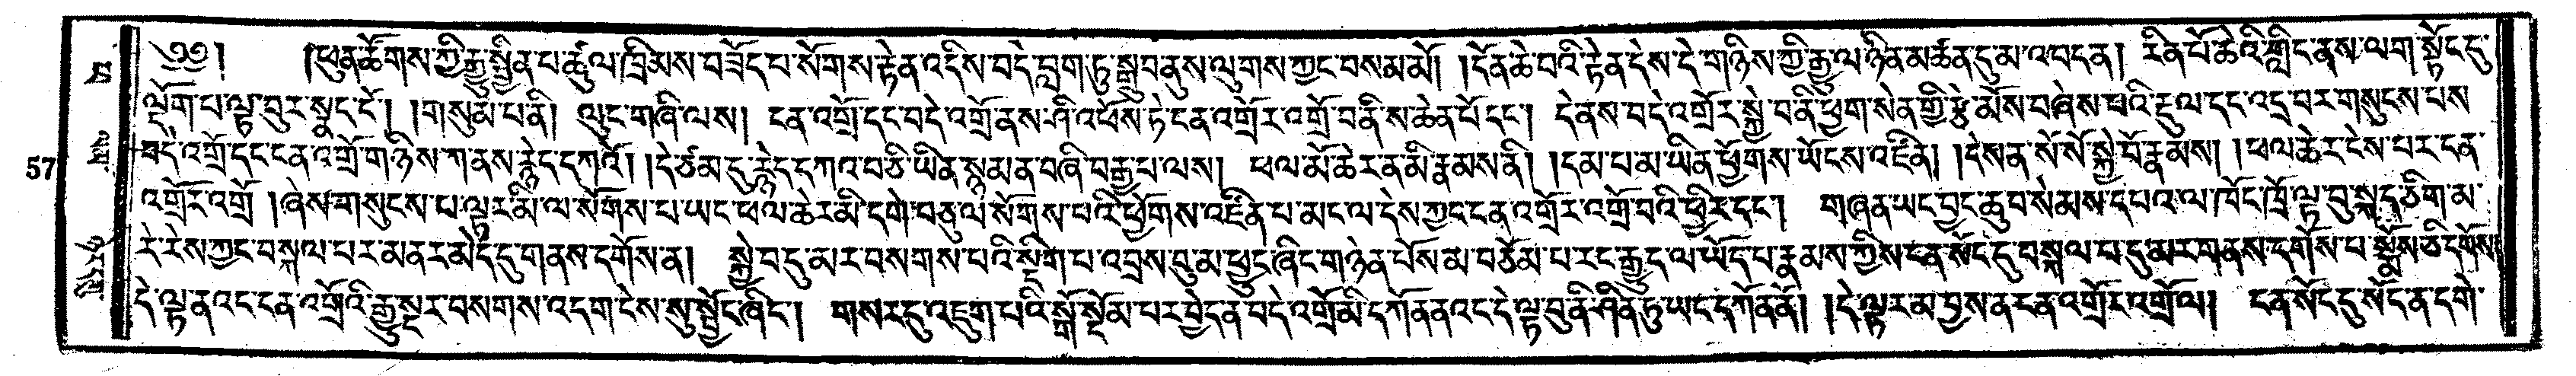༄༅། །ཕུན་ཚོགས་ཀྱི་རྒྱུ་སྦྱིན་པ་ཚུལ་ཁྲིམས་བཟོད་པ་སོགས་རྟེན་འདིས་བདེ་བླག་ཏུ་སྒྲུབ་ནུས་ལུགས་ཀྱང་བསམ་མོ། །དོན་ཆེ་བའི་རྟེན་དེས་དེ་གཉིས་ཀྱི་རྒྱུ་ལ་ཉིན་མཚན་དུ་མ་འབད་ན། རིན་པོ་ཆེའི་གླིང་ནས་ལག་སྟོང་དུ་
ལྡོག་པ་ལྟ་བུར་སྣང་ངོ། །གསུམ་པ་ནི། ལུང་གཞི་ལས། ངན་འགྲོ་དང་བདེ་འགྲོ་ནས་ཤི་འཕོས་ཏེ་ངན་འགྲོར་འགྲོ་བ་ནི་ས་ཆེན་པོ་དང་། དེ་ནས་བདེ་འགྲོར་སྐྱེ་བ་ནི་ཕྱག་སེན་གྱི་རྩེ་མོས་བཞེས་པའི་རྡུལ་དང་འདྲ་བར་གསུངས་པས་
བདེ་འགྲོ་དང་ངན་འགྲོ་གཉིས་ཀ་ནས་རྙེད་དཀའོ། །དེ་ཙམ་དུ་རྙེད་དཀའ་བ་ཅི་ཡིན་སྙམ་ན་བཞི་བརྒྱ་པ་ལས། ཕལ་མོ་ཆེར་ནས་མི་རྣམས་ནི། །དམ་པ་མ་ཡིན་ཕྱོགས་ཡོངས་འཛིན། །དེས་ན་སོ་སོ་སྐྱེ་བོ་རྣམས། །ཕལ་ཆེར་ངེས་པར་ངན་
འགྲོར་འགྲོ་།ཞེས་གསུངས་པ་ལྟར་མི་ལ་སོགས་པ་ཡང་ཕལ་ཆེར་མི་དགེ་བཅུ་ལ་སོགས་པའི་ཕྱོགས་འཛིན་པ་མང་ལ་དེས་ཀྱང་ངན་འགྲོར་འགྲོ་བའི་ཕྱིར་དང་། གཞན་ཡང་བྱང་ཆུབ་སེམས་དཔའ་ལ་ཁོང་ཁྲོ་ལྟ་བུ་སྐད་ཅིག་མ་
རེ་རེས་ཀྱང་བསྐལ་པར་མནར་མེད་དུ་གནས་དགོས་ན། སྐྱེ་བ་དུ་མར་བསགས་པའི་སྡིག་པ་འབྲས་བུ་མ་ཕྱུང་ཞིང་གཉེན་པོས་མ་བཅོམ་པ་རང་རྒྱུད་ལ་ཡོད་པ་རྣམས་ཀྱིས་ངན་སོང་དུ་བསྐལ་པ་དུ་མར་གནས་དགོས་པ་སྨོས་ཅི་དགོས་
དེ་ལྟ་ནའང་ངན་འགྲོའི་རྒྱུ་སྔར་བསགས་འདག་ངེས་སུ་སྦྱོང་ཞིང་། གསར་དུ་འཇུག་པའི་སྒོ་སྔོམ་པར་བྱེད་ན་བདེ་འགྲོ་མི་དཀོན་ནའང་དེ་ལྟ་བུ་ནི་ཤིན་ཏུ་ཡང་དཀོན་ནོ། །དེ་ལྟར་མ་བྱས་ན་ངན་འགྲོར་འགྲོ་ལ། ངན་སོང་དུ་སོང་ན་དགེ་